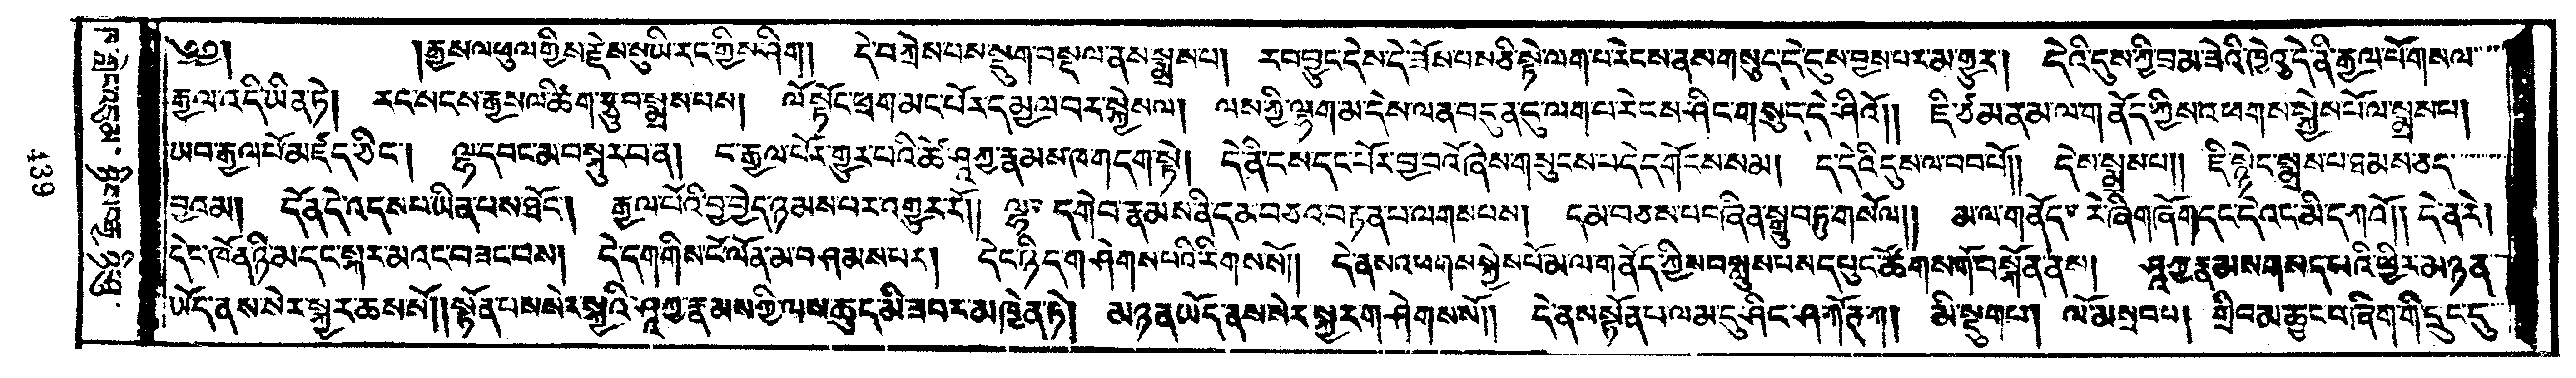༄༅། །རྒྱས་ལ་ཕུལ་གྱིས་རྗེས་སུ་ཡི་རང་གྱིས་ཤིག། དེ་བཀྲེས་པས་སྡུག་བསྔལ་ནས་སྨྲས་པ། རབ་བྱུང་དེས་དེ་ཟོས་པས་ཅི་སྟེ་ལག་པ་རེངས་ནས་གསུད་དེ་དུས་བྱས་པར་མ་གྱུར། དེའི་དུས་ཀྱི་བྲམ་ཟེའི་ཁྱེའུ་དེ་ནི་རྒྱལ་པོ་གསལ་
རྒྱལ་འདི་ཡིན་ཏེ། རང་སངས་རྒྱས་ལ་ཚིག་རྩུབ་སྨྲས་པས། ལོ་སྟོང་ཕྲག་མང་པོར་དམྱལ་བར་སྐྱེས་ལ། ལས་ཀྱི་ལྷག་མ་དེས་ལན་བདུན་དུ་ལག་པ་རེངས་ཤིང་གསུད་དེ་ཤིའོ།། ཇི་ཙམ་ནམ་ལ་གནོད་ཀྱིས་འཕགས་སྐྱེས་པོ་ལ་སྨྲས་པ།
ཡབ་རྒྱལ་པོ་མཛད་ཅིང་། ལྷ་དབང་མ་བསྐུར་བ་ན། ང་རྒྱལ་པོར་གྱུར་པའི་ཚེ་ཤཱཀྱ་རྣམས་ཁ་གདག་སྟེ། དེ་ནི་ངས་དང་པོར་བྱ་བའོ་ཞེས་གསུངས་པ་དེ་དགོངས་སམ། ད་དེའི་དུས་ལ་བབ་པོ།། དེས་སྨྲས་པ།། ཇི་སྙེད་སྨྲས་པ་ཐམས་ཅད་
བྱའམ། དོན་དེ་འདས་པ་ཡིན་པས་ཐོང་། རྒྱལ་པོའི་བྱ་བྱེད་ཉམས་པར་འགྱུར་རོ།། ལྷ་དགེ་བ་རྣམས་ནི་དམ་བཅའ་བརྟན་པ་ལགས་པས། དམ་བཅས་པ་བཞིན་སྒྲུབ་ཏུ་གསོལ།། མ་ལ་གནོད་རེ་ཞིག་ཞོག་དང་དེའང་མི་དཀའོ།། དེ་ན་རེ།
དེང་ཁོ་ན་ཉི་མ་དང་སྐར་མའང་བཟང་པས། དེ་དག་གིས་ངོ་ལོན་མ་བཤམས་པར། དེང་ཉིད་གཤེགས་པའི་རིགས་སོ།། དེ་ནས་འཕགས་སྐྱེས་པོ་མ་ལ་གནོད་ཀྱིས་བསླུས་པས་དཔུང་ཚོགས་གོ་བསྐོན་ནས། ཤཱཀྱ་རྣམས་གསད་པའི་ཕྱིར་མཉན་
ཡོད་ནས་སེར་སྐྱར་ཆས་སོ། །སྟོན་པས་སེར་སྐྱའི་ཤཱཀྱ་རྣམས་ཀྱི་ལས་ཆུད་མི་ཟ་བར་མཁྱེན་ཏེ། མཉན་ཡོད་ནས་སེར་སྐྱར་གཤེགས་སོ།། དེ་ནས་སྟོན་པ་ལམ་དུ་ཤིང་ཤ་ཀོཊ་ཀ། མི་སྡུག་པ། ལོ་མ་སྲབ་པ། གྲིབ་མ་ཆུང་བ་ཞིག་གི་དྲུང་དུ་